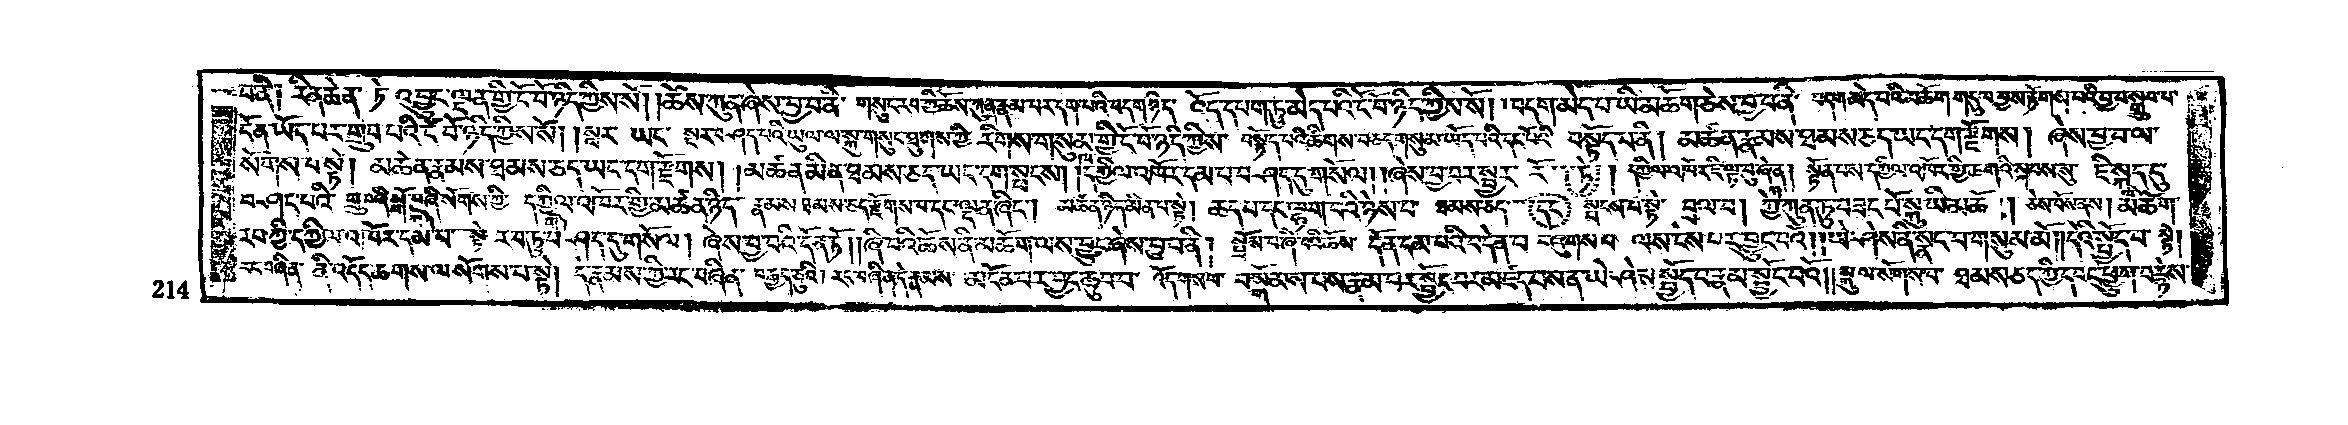བ་ནི། རིན་ཆེན་ཏེ་འབྱུང་ལྡན་གྱི་ངོ་བོ་ཉིད་ཀྱིས་སོ། །ཆོས་ཀུན་ཞེས་བྱ་བ་ནི་གསུང་རབ་ཀྱི་ཆོས་ཀུན་རྣམ་པར་དག་པའི་བདག་ཉིད་འོད་དཔག་ཏུ་མེད་པའི་ངོ་བོ་ཉིད་ཀྱིས་སོ། །བདག་མེད་པ་ཡི་མཆོག་ཅེས་བྱ་བ་ནི་བདག་མེད་པའི་མཆོག་གདུལ་བྱས་རྟོགས་པའི་བྱ་བ་སྒྲུབ་པ་
དོན་ཡོད་པར་གྲུབ་པའི་ངོ་བོ་ཉིད་ཀྱིས་སོ། ། སླར་ཡང་སྔར་བཤད་པའི་ཡུལ་ལ་སྐུ་གསུང་ཐུགས་ཀྱི་རིགས་གསུམ་གྱི་ངོ་བོ་ཉིད་ཀྱིས་བསྟོད་པའི་ཚིགས་བཅད་གསུམ་ཡོད་པའི་དང་པོའི་བསྟོད་པ་ནི། མཚན་རྣམས་ཐམས་ཅད་ཡང་དག་རྫོགས། ཞེས་བྱ་བ་ལ་
སོགས་པ་སྟེ། མཚན་རྣམས་ཐམས་ཅད་ཡང་དག་རྫོགས། །མཚན་མིན་ཐམས་ཅད་ཡང་དག་སྤངས། ། ཁ་དཀྱིལ་འཁོར་དམ་པ་བཤད་དུ་གསོལ། །ཞེས་བྱ་བར་སྦྱར་རོ་ཏེ། དཀྱིལ་འཁོར་ཇི་ལྟ་བུ་ཞེ་ན། སྟོན་པས་དཀྱིལ་འཁོར་གྱི་ཆོ་གའི་སྐབས་སུ་ཇི་སྐད་དུ་
བཤད་པའི་གྲུ་བཞི་སྒོ་བཞི་སོགས་ཀྱི་དཀྱིལ་འཁོར་གྱི་མཚན་ཉིད་རྣམས་ཐམས་ཅད་རྫོགས་པ་དང་ལྡན་ཞིང་། མཚན་ཉིད་མིན་པ་སྟེ།  ཆད་པ་དང་ལྷག་པའི་ཉེས་པ་ཐམས་ཅད་དང་སྤངས་པ་སྟེ་བྲལ་བ། ཀ་ཀྱེ་ཀུན་ཏུ་བཟང་པོ་སྐུ་ཡི་མཆོག ། ཅེས་བོས་ནས། ཁ྄་མཆོག་
རབ་ཀྱི་དཀྱིལ་འཁོར་ཀ྄་དམ་པ་སྟེ་རབ་ཏུ་ག྄་བཤད་དུ་གསོལ། ཞེས་བྱ་བའི་དོན་ཏོ། །ཞི་བའི་ཆོས་ནི་མཆོག་ལས་བྱུང་ཞེས་བྱ་བ་ནི། སྤྲོས་པ་ཞི་བའི་ཆོས་དོན་དམ་པའི་བདེན་པར་ཞུགས་པ་ལས་ངེས་པར་བྱུང་བའོ། །ཡེ་ཤེས་ནི་སྣང་བ་གསུམ་མོ། །དེའི་སྤྱོད་པ་སྟེ།
རང་བཞིན་ནི་འདོད་ཆགས་ལ་སོགས་པ་སྟེ། དེ་རྣམས་ཀྱི་རང་བཞིན་བརྒྱད་ཅུའི། རང་བཞིན་དེ་རྣམས་མངོན་པར་བྱང་ཆུབ་པ་འོད་གསལ་བསྒོམས་པས་རྣམ་པར་སྦྱོང་བར་མཛད་པས་ན་ཡེ་ཤེས་སྤྱོད་པ་རྣམ་སྦྱོང་བའོ། ། སྐུ་ལ་སོགས་པ་ཐམས་ཅད་ཀྱི་དབང་ཕྱུག་བརྙེས་